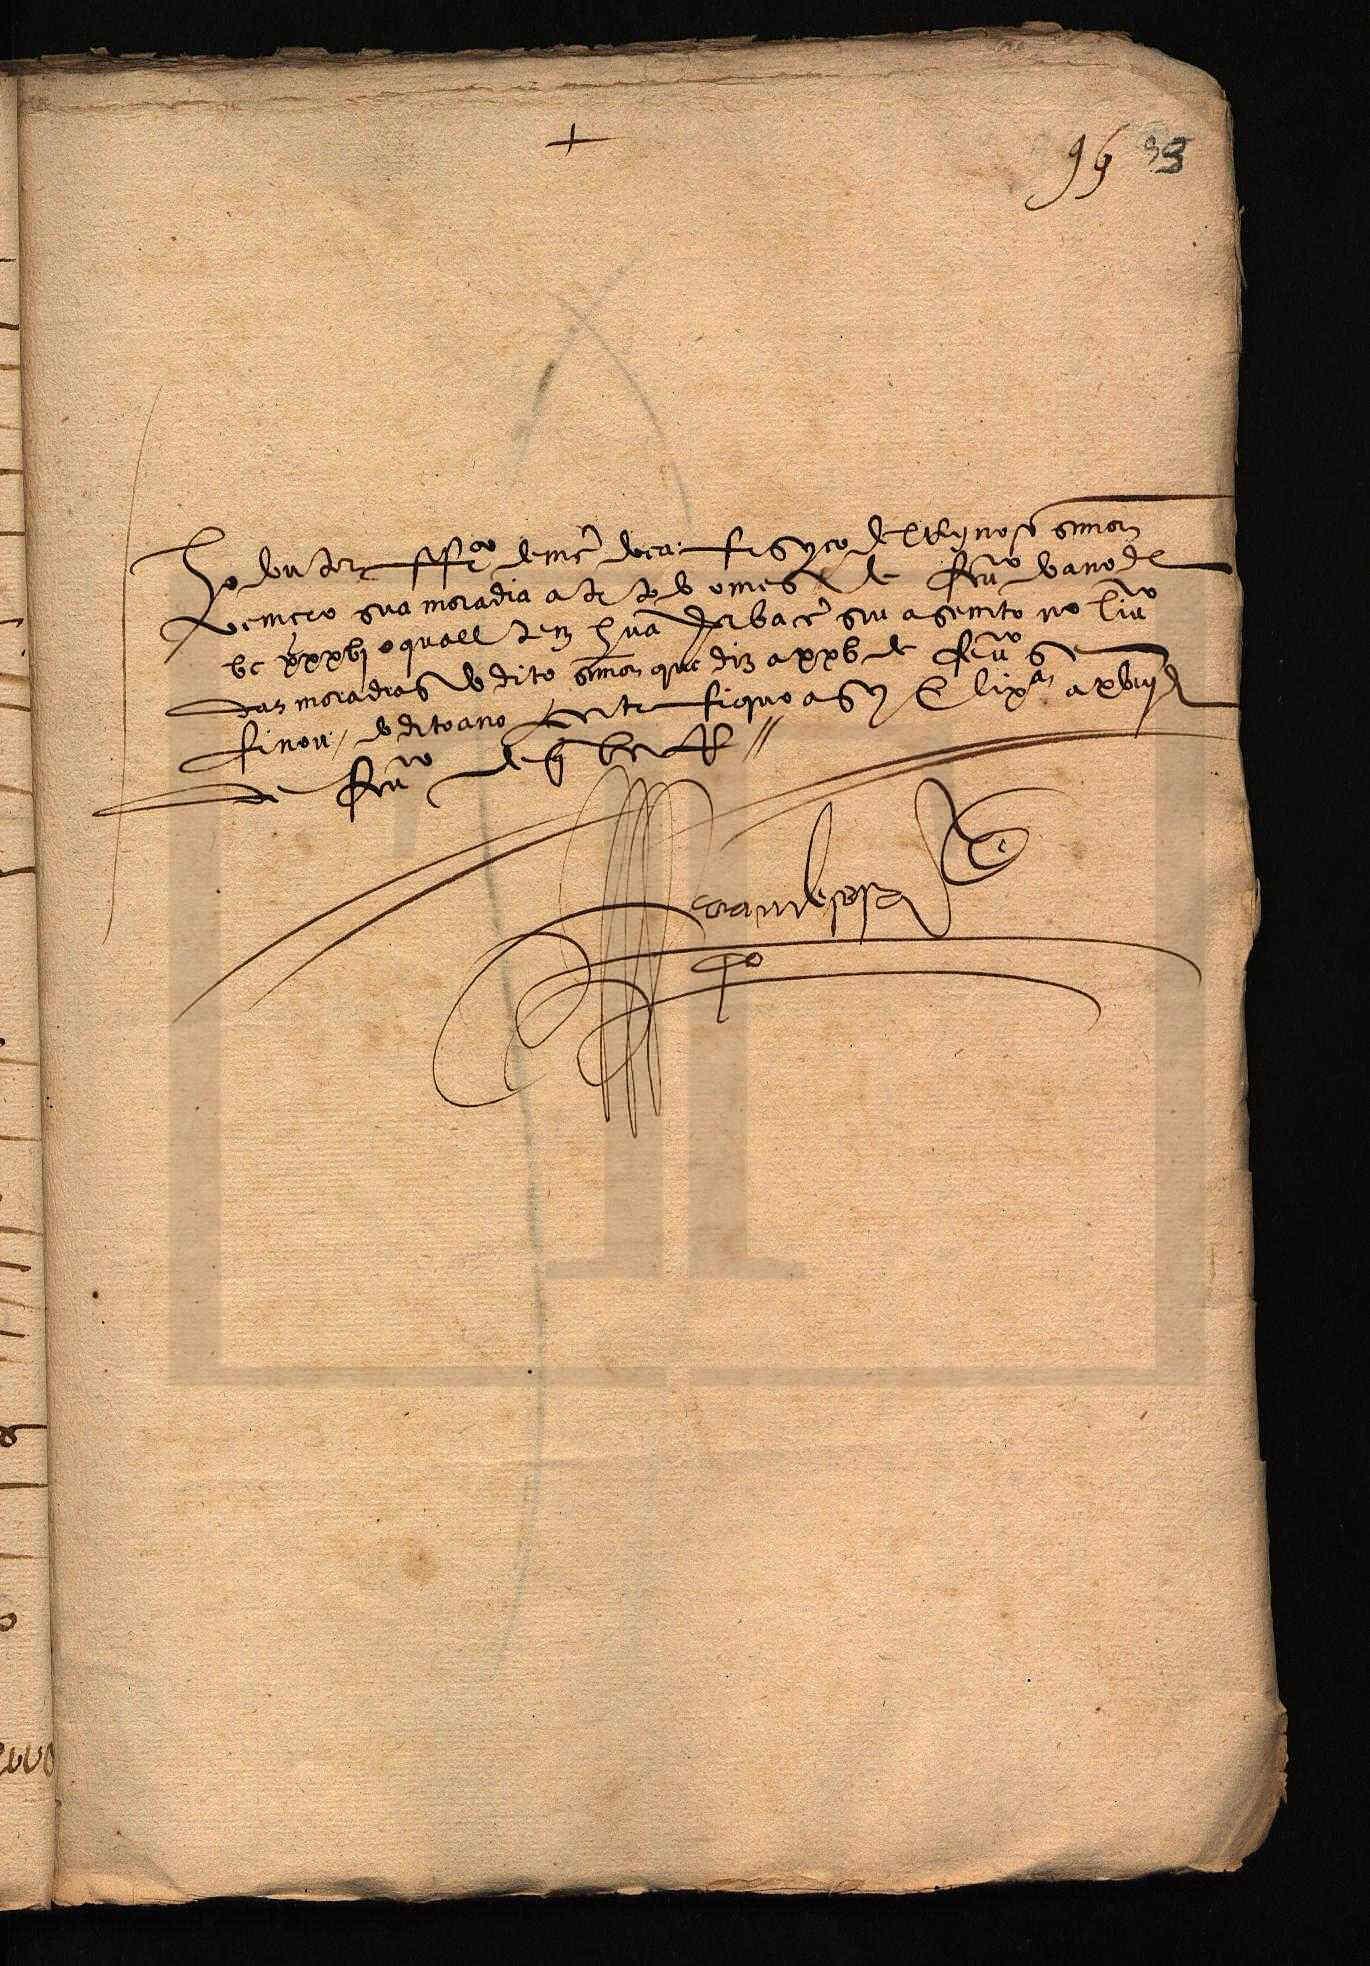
ho doutor ffrco de mēdoça fisyco del Rey noso sennor
vemceo sua moradia ate todo o mes de feuro do ano de
bc xxxbij o quall tem huā ꝟrba ē seu asemto no liuro
das moradias do dito sn̄nor que diz a xxb de feuro se
finou / do dito ano certifiquo asy ē lixa a xbiij dj
de feuro de j̄ bc R //
ffernan de sosa
φo
